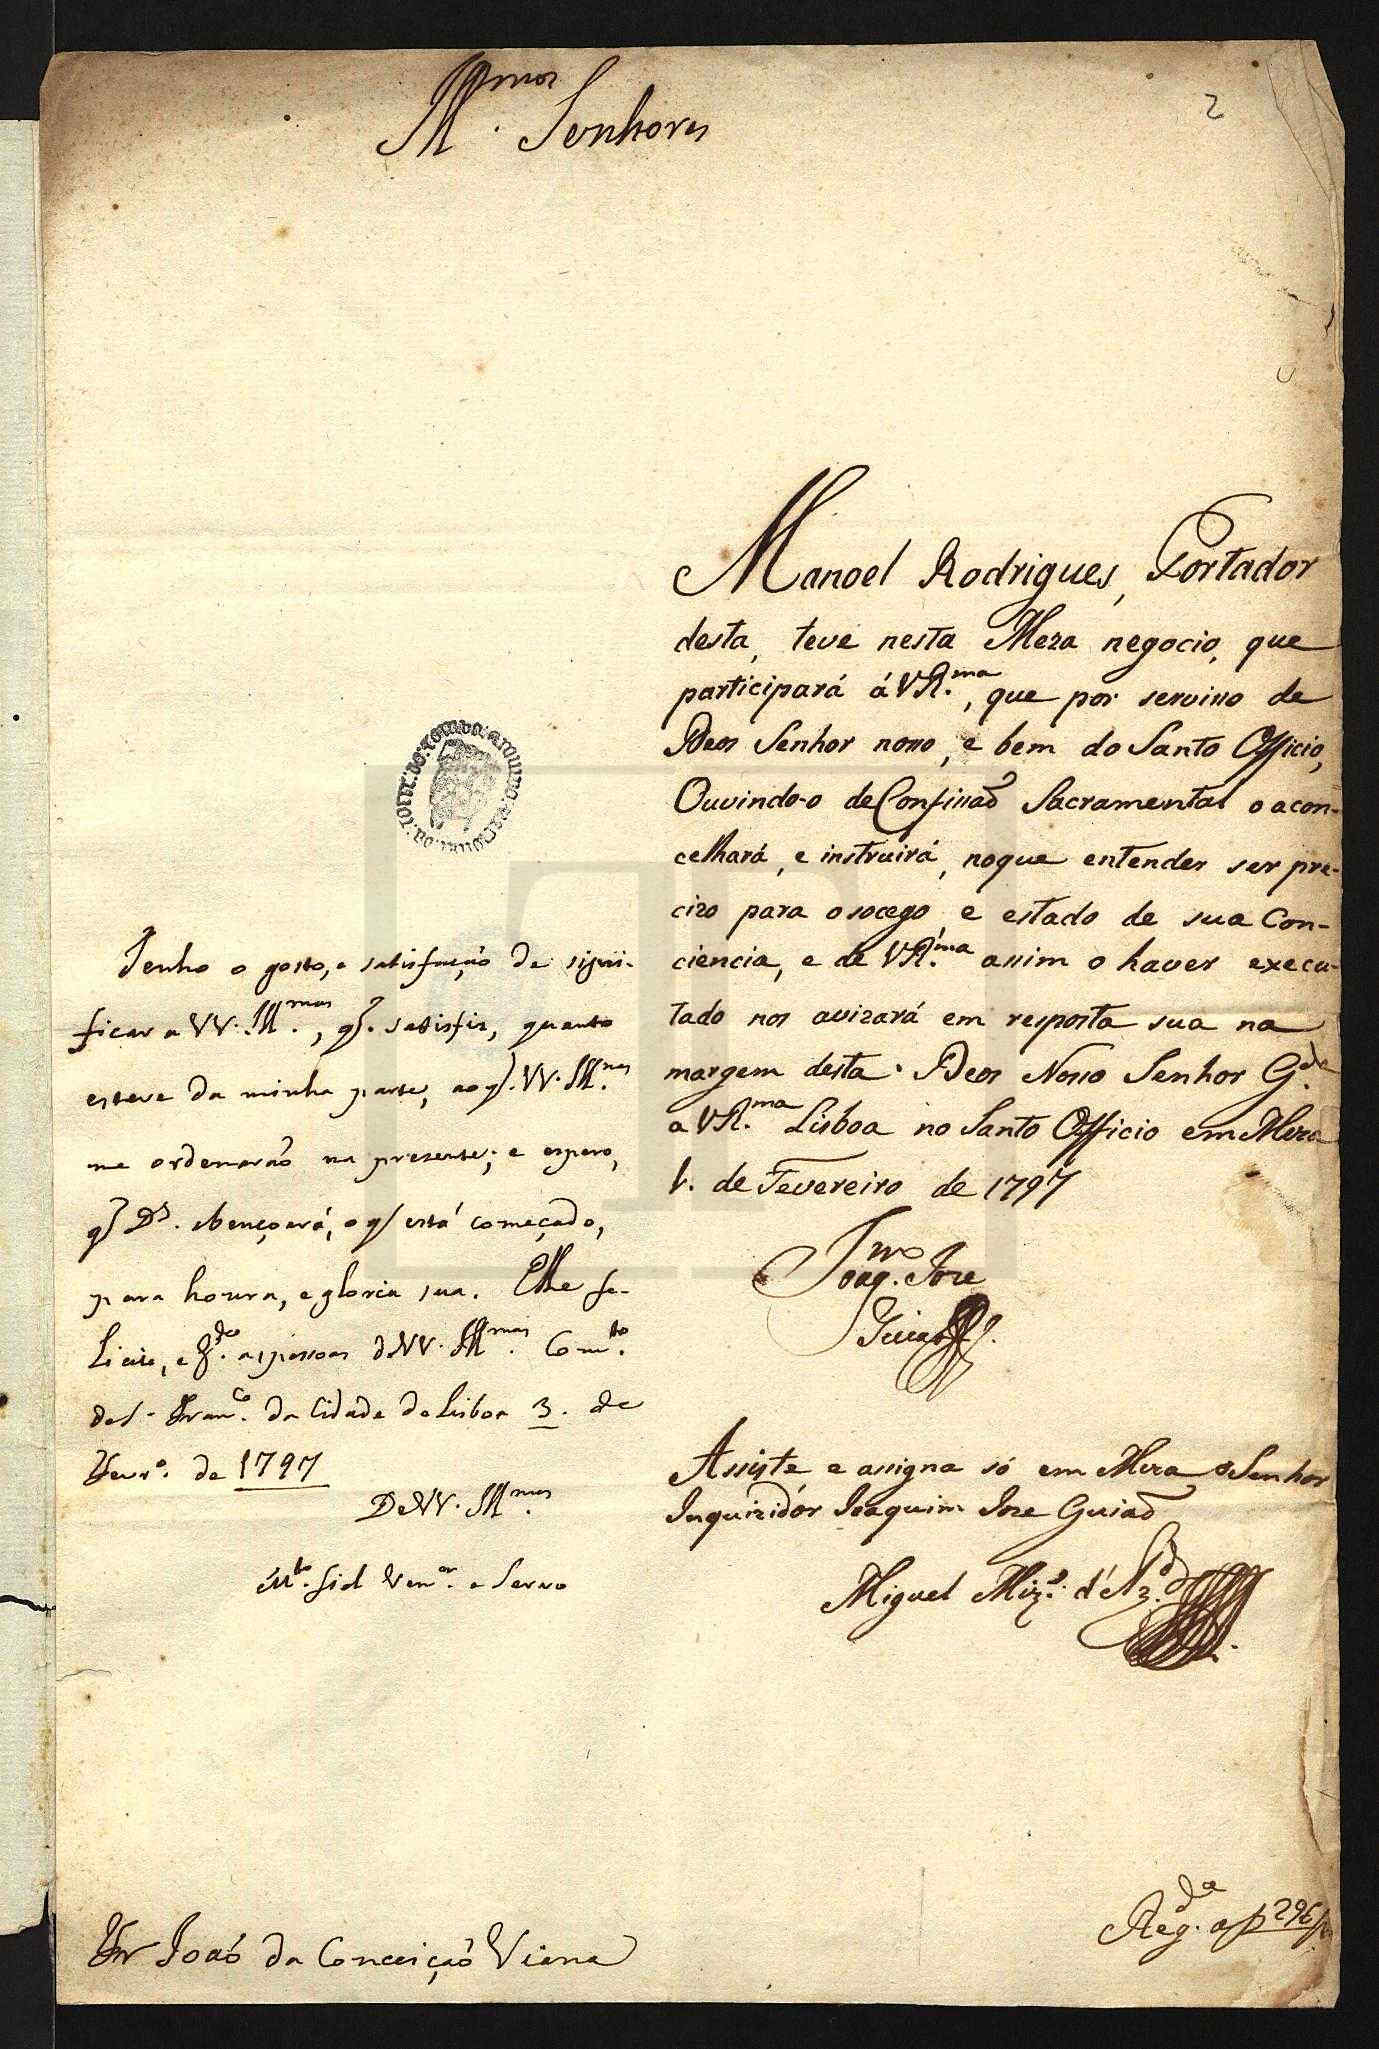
Ill.mos Senhores
Manoel Rodrigues, Portador
desta, teve nesta Meza negocio, que
participará á V R.ma, que por servisso de
Deos Senhor nosso, e bem do Santo Officio,
Ouvindo-o de Confissaõ Sacramental o acon
celhará, e instruirá, no que entender ser pre
cizo para o socego, e estado de sua con
ciencia, e de V R.ma assim o haver execu
Tenho o gosto, e satisfaçaõ de signi
Tado nos avizará em resposta sua na
ficar a VV. Ill.mas, q̄ satisfiz, quanto
margem desta. Deos Nosso Senhor G.de
esteve da minha parte, ao q̄ VV. Ill.mas
a VR.ma Lisboa no Santo Officio em Meza
me ordenaraõ na prezente; e espero,
1. de Fevereiro de 1797
q̄ Ds. abençoará, o q̄ está começado,
Ioaq.m Ioze
para honra, e gloria sua. Elhe fe
Guiaõ
Licita, e G.de as pessoas de VV. Ill.mas Com.to
de S. Fran.co da Cidade de Lisboa 3. de
Assiste, e assigna só em Meza o Senhor
Fevr.o de 1797
De VV. Ill.mas
Inquizidor Ioaquim Ioze Guiaõ
M.to fiel Ven.or e Servo
Miguel Miz̄ de Az.do
Reg.da a f 29t v
Fr Ioaõ da Conceiçaõ Viana
